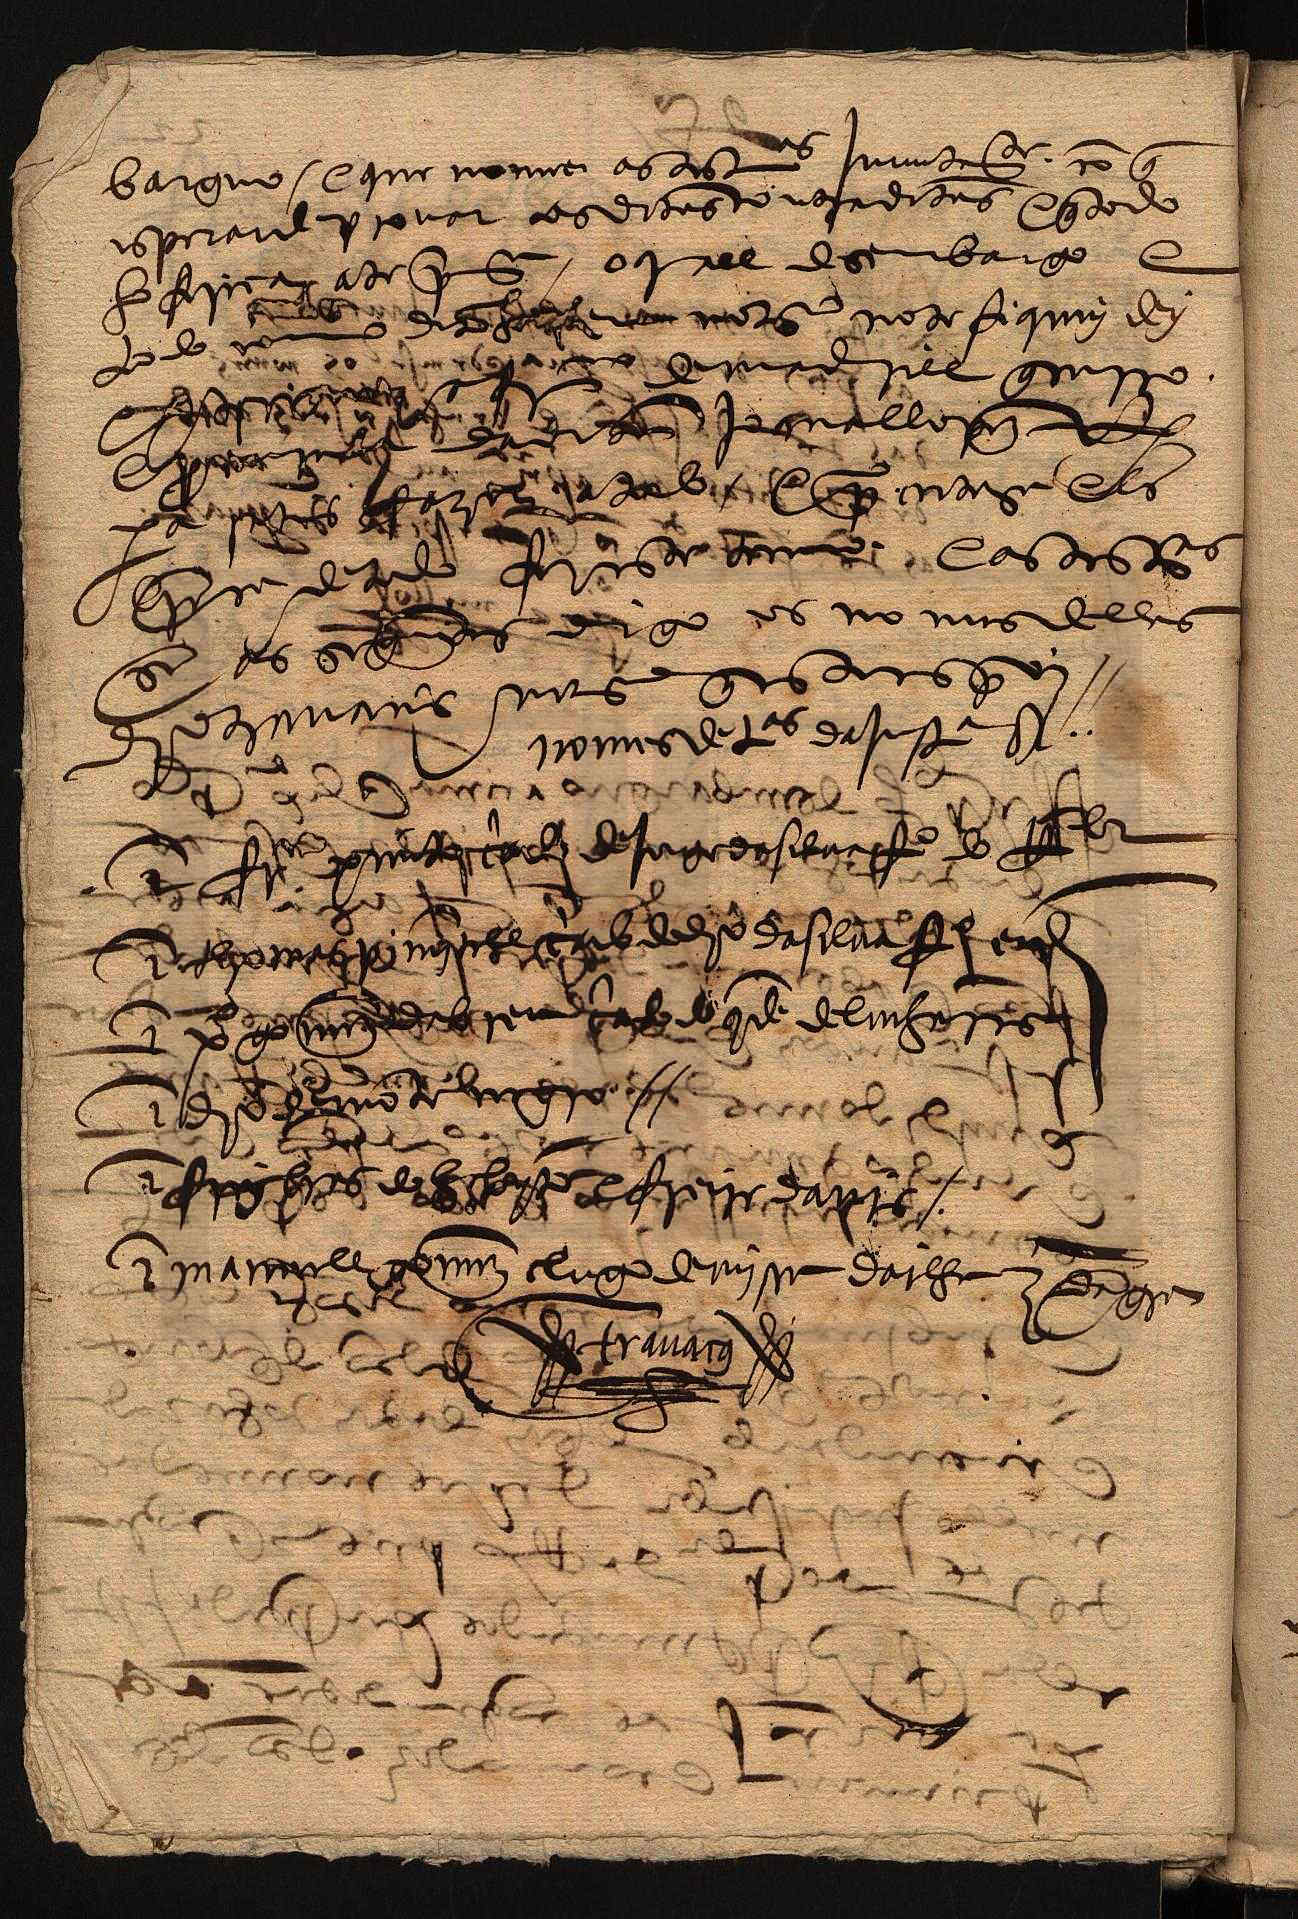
barguo / e que nomee as testas Jumtamte c̄o q̄
esperar de prouar as ditas contraditas e q̄ todo
hofereça ate p̄ma / o quall desembargo e
todo como dito he eu notro notefiquey dey
e ētreguey a frco de madrill genrro
e ꝓcurador da dita Joana llopez Rꝭ
ꝑa satisfazer a todo / e p̄o certeza e lē
brāça de tudo fiz este termo e as testas
sā as seguj̄tes digo os nomes dellas
djo trauaços notro q̄ esto esp̄vj
nomes de tas da Justa A.
item frco pimto ciado de Jorge da silua fo do Rdor
item thomas pim̄jtell ciado de djo da silua fo eid̄
item po gomez dabreu ciado do ꝯ̄de de linhares
item djo de mōtenegro//
item frey bras do habyto e freire dauis /.
item manuell gomez clerigo de mjssa da jlha 3a dāgra
trauacꝯ
